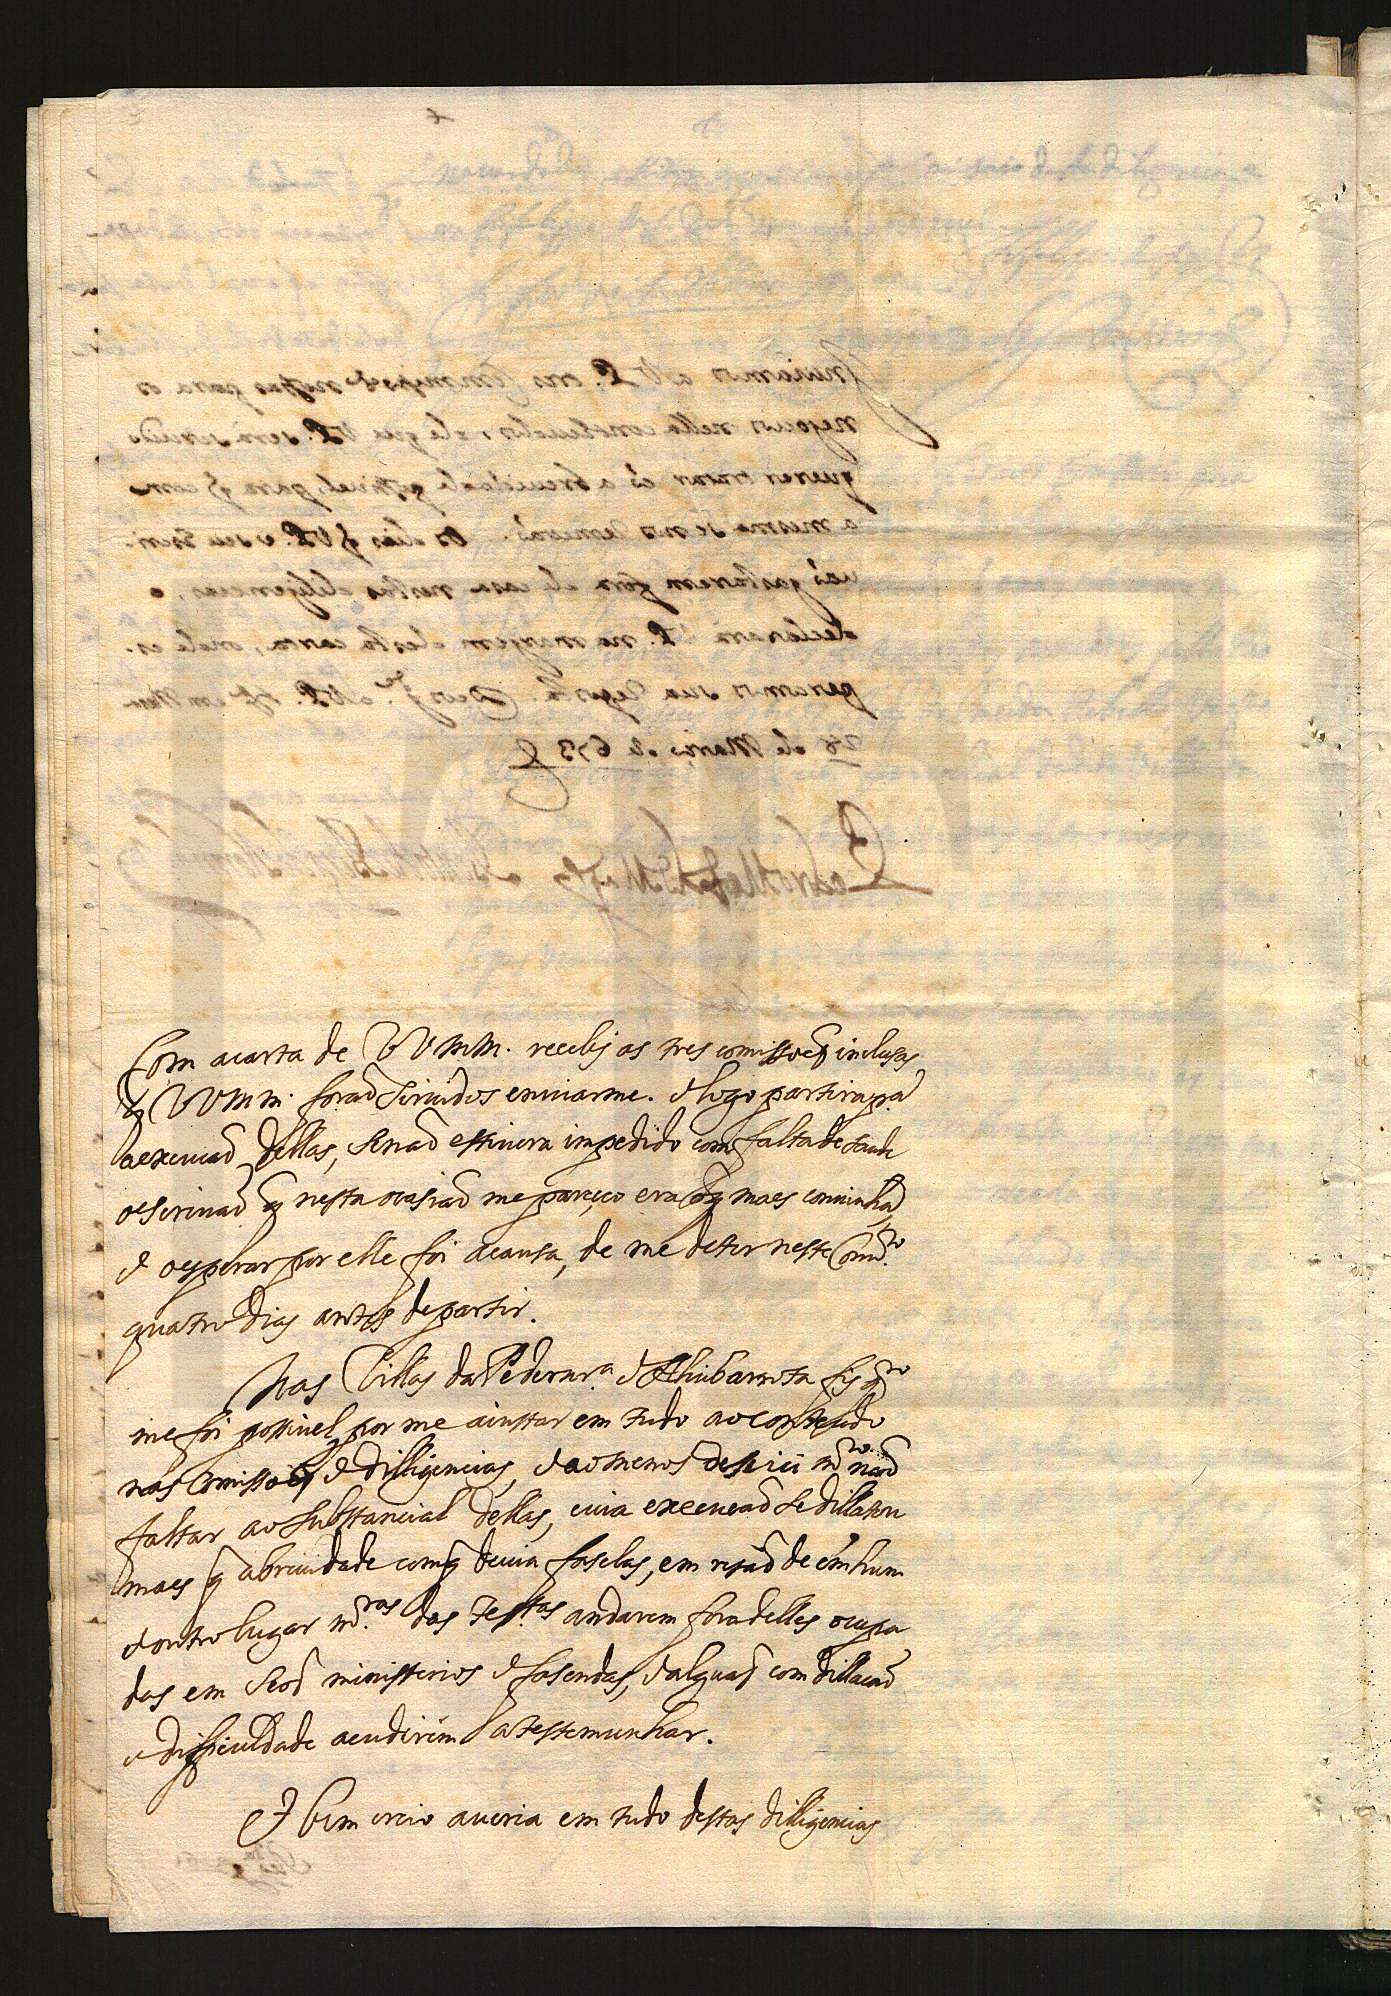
Com a carta de VV MM. recebj as tres comissoẽs inclusas
q̄ VV MM foraõ Siruidos enuiarme. e logo partira p.a
a execuçaõ dellas, se não estiuera impedido com falta de saude
o escriuão q̄ nesta ocasiaõ me pareceo era o q̄ maes conuinha,
e o esperar por elle foi a causa, de me deter neste Conu.to
quatro dias antes de partir.
nas Villas da Pedernr.a e Aliubarrota fis qto
me foi possiuel por me aiustar em tudo ao conteudo
nas comissoẽs, e dilligencias, e ao menos deseiei mto naõ
faltar ao substancial dellas, cuia execuçaõ se dillatou
maes q̄ a breuidade com q̄ deuia faselas, em resaõ de em hum
e outro lugar m.tas das test.as andarem fora delles ocupa
das em seos ministerios e fasendas, e alguas̄ com dillaçaõ
e difficuldade acudirem a testemunhar.
& bem creio aueria em tudo destas dilligencias
